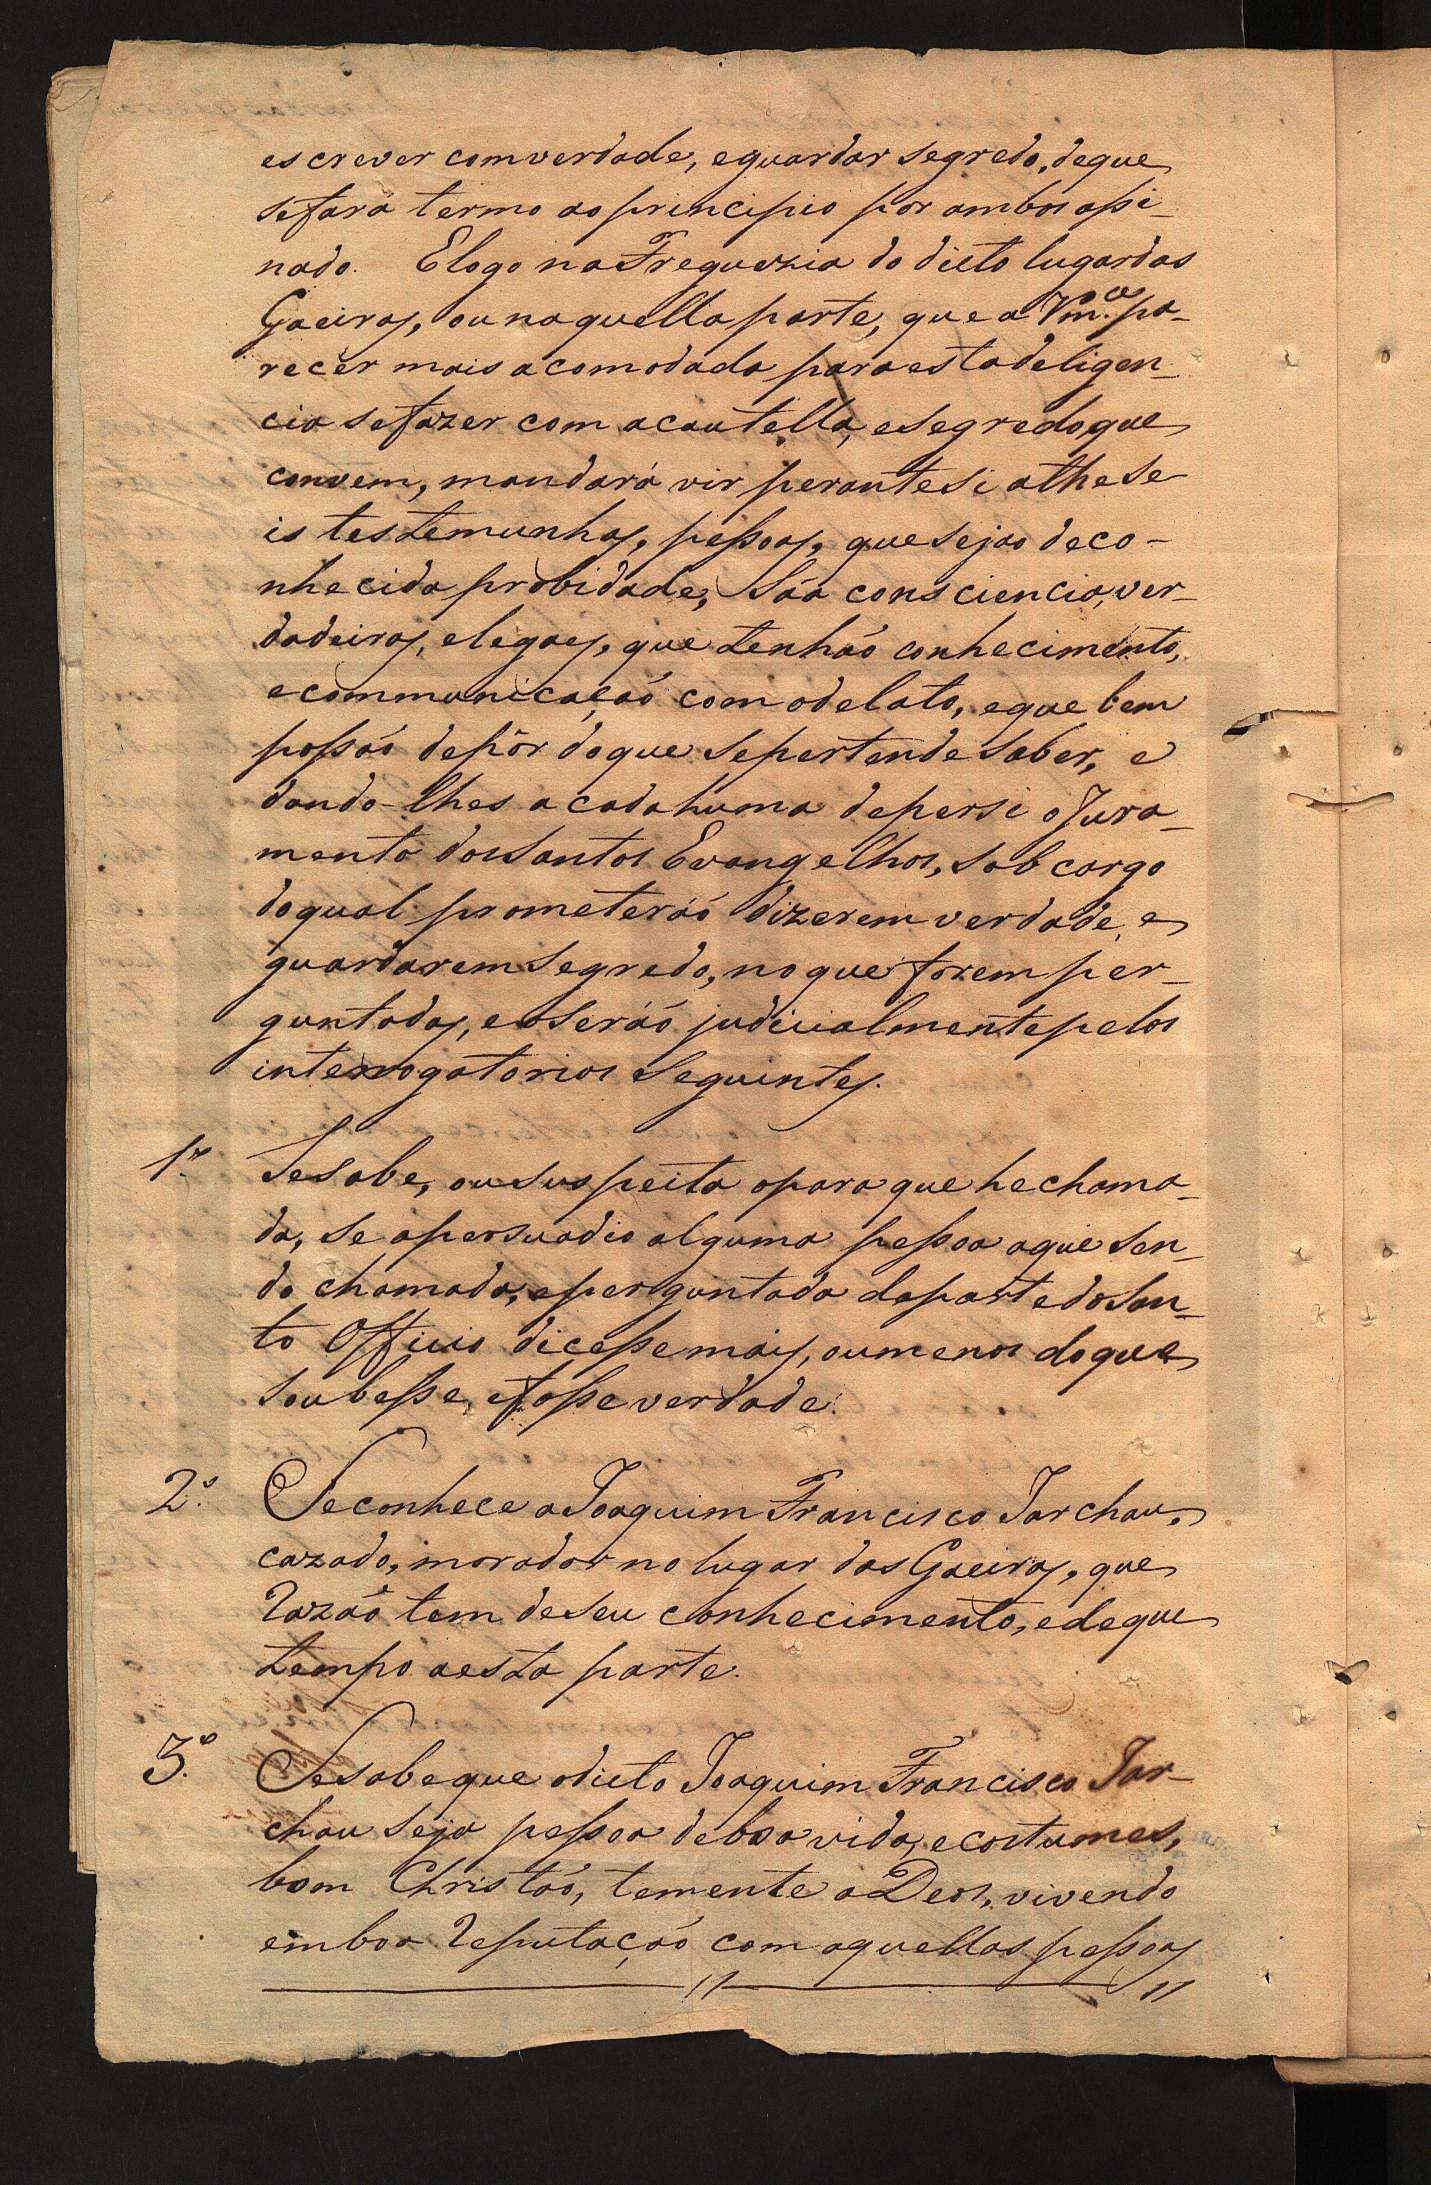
escrever com verdade, e guardar segredo, de que
se fará termo ao principio por ambos assi
nado. E logo na Freguezia do dicto lugar das
Gaeiras, ou naquella parte, que a Vm.ce pa
recer mais acomodada para esta deligen
cia se fazer com a cautella, e segredo, que
convem, mandará vir perante si athe se
is testemunhas, pessoas, que sejao de co
nhecida probidade, Sãa consciencia, ver
dadeiras, e legaes, que tenhaõ conhecimento,
e communicaçaõ com o delato, e que bem
possaõ depôr do que se pertende saber, e
dando-lhes a cada huma de per si o Jura
mento dos Santos Evangelhos, sob cargo
do qual prometeraõ dizerem verdade, e
guardarem Segredo, no que forem per
guntadas, e o seraõ judicialmente pelos
interrogatorios seguintes.
1.o
Se sabe, ou suspeita o para que he chama
da, se a persuadio alguma pessoa a que sen
do chamada, e perguntada da parte do San
to Officio dicesse mais, ou menos do que
soubesse e fosse verdade.
2.o
Se conhece a Ioaquim Francisco Iarchau
cazado, morador no lugar das Gaeiras, que
Razaõ tem de seu conhecimento, e de que
tempo a esta parte.
3.o
Se sabe que o dicto Ioaquim Francisco Iar
chau seja pessoa de boa vida, e costumes,
bom Christaõ, temente a Deos, vivendo
em boa Reputaçaõ com aquellas pessoas
